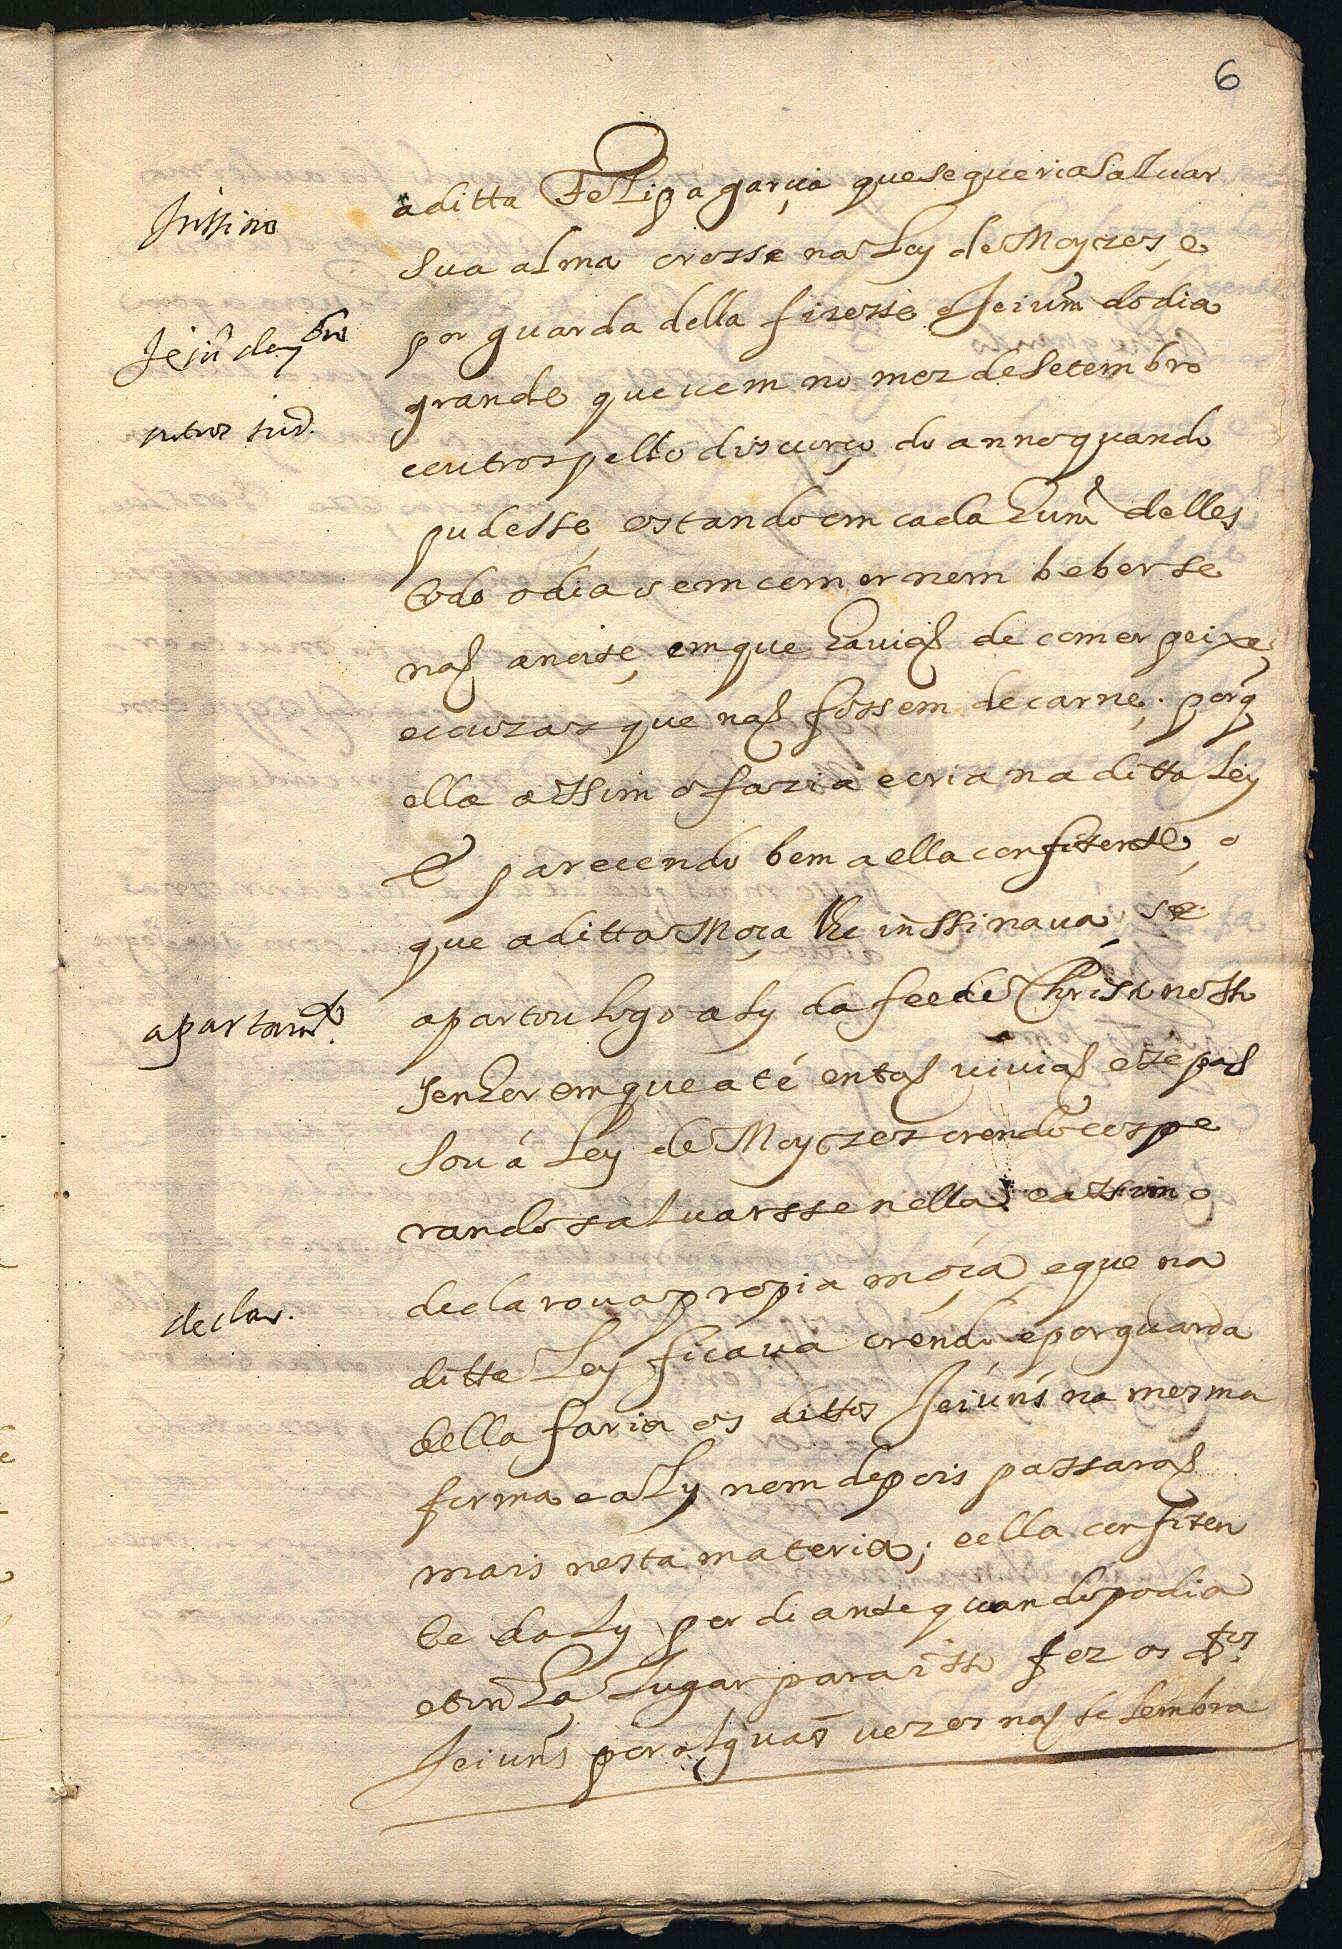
a ditta Felipa garcia que se queria saluar
Jnssino
sua alma cresse na Ley de Moyzes, e
por guarda della fisesse o Jeium do dia
Jejū de 7bro
grande que uem no mez de setembro
outros ius̄.
e outros pello discurço do anno quando
pudesse, estando em cada hum delles
todo o dia sem comer nem beber se
naõ a noite, em que hauiaõ de comer peixe
e couzas que naõ fossem de carne, porq̄
ella assim o fazia e cria na ditta Ley
E parecendo bem a ella confitente o
que a ditta Moça lhe insinaua, se
apartou logo aly da fee de Christo nosso
apartam.to
Senhor em que até entaõ uiuiaõ e se pas
sou á Ley de Moyzes crendo e espe
rando saluarsse nella e assim o
declarou a propia moça, e que na
declar.
ditta Ley ficaua crendo e por guarda
della faria os dittos Jeiuns na mesma
forma e aly nem depois passaraõ
mais nesta materia; e ella confiten
de daLy por diante quando podia
e tinha Lugar para isso fez os d.os
Jeiuns por alguās uezes naõ se lembra
